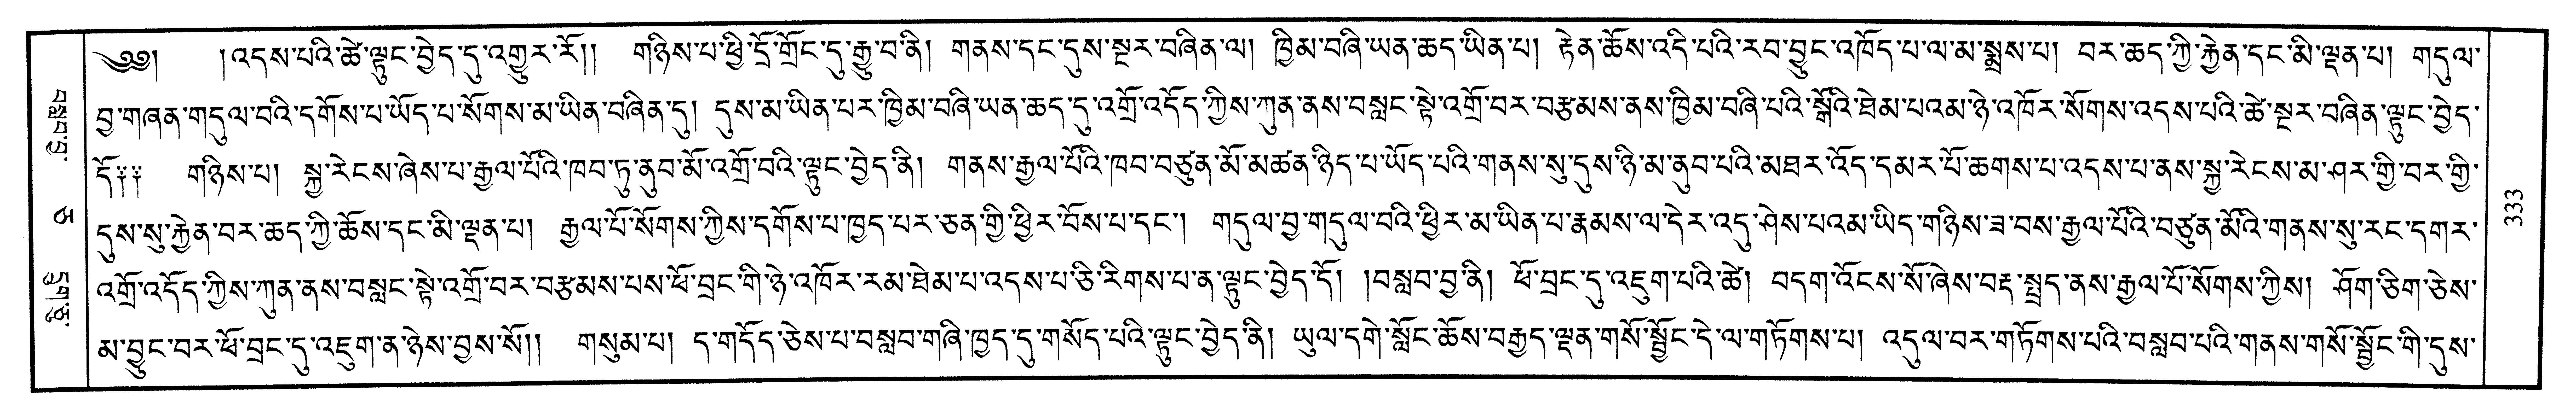༄༅། །འདས་པའི་ཚེ་ལྟུང་བྱེད་དུ་འགྱུར་རོ།། གཉིས་པ་ཕྱི་དྲོ་གྲོང་དུ་རྒྱུ་བ་ནི། གནས་དང་དུས་སྔར་བཞིན་ལ། ཁྱིམ་བཞི་ཡན་ཆད་ཡིན་པ། རྟེན་ཆོས་འདི་པའི་རབ་བྱུང་འཁོད་པ་ལ་མ་སྨྲས་པ། བར་ཆད་ཀྱི་རྐྱེན་དང་མི་ལྡན་པ། གདུལ་
བྱ་གཞན་གདུལ་བའི་དགོས་པ་ཡོད་པ་སོགས་མ་ཡིན་བཞིན་དུ། དུས་མ་ཡིན་པར་ཁྱིམ་བཞི་ཡན་ཆད་དུ་འགྲོ་འདོད་ཀྱིས་ཀུན་ནས་བསླང་སྟེ་འགྲོ་བར་བརྩམས་ནས་ཁྱིམ་བཞི་པའི་སྒོའི་ཐེམ་པའམ་ཉེ་འཁོར་སོགས་འདས་པའི་ཚེ་སྔར་བཞིན་ལྟུང་བྱེད་
དོ།། གཉིས་པ། སྐྱ་རེངས་ཞེས་པ་རྒྱལ་པོའི་ཁབ་ཏུ་ནུབ་མོ་འགྲོ་བའི་ལྟུང་བྱེད་ནི། གནས་རྒྱལ་པོའི་ཁབ་བཙུན་མོ་མཚན་ཉིད་པ་ཡོད་པའི་གནས་སུ་དུས་ཉི་མ་ནུབ་པའི་མཐར་འོད་དམར་པོ་ཆགས་པ་འདས་པ་ནས་སྐྱ་རེངས་མ་ཤར་གྱི་བར་གྱི་
དུས་སུ་རྐྱེན་བར་ཆད་ཀྱི་ཆོས་དང་མི་ལྡན་པ། རྒྱལ་པོ་སོགས་ཀྱིས་དགོས་པ་ཁྱད་པར་ཅན་གྱི་ཕྱིར་བོས་པ་དང་། གདུལ་བྱ་གདུལ་བའི་ཕྱིར་མ་ཡིན་པ་རྣམས་ལ་དེར་འདུ་ཤེས་པའམ་ཡིད་གཉིས་ཟ་བས་རྒྱལ་པོའི་བཙུན་མོའི་གནས་སུ་རང་དགར་
འགྲོ་འདོད་ཀྱིས་ཀུན་ནས་བསླང་སྟེ་འགྲོ་བར་བརྩམས་པས་ཕོ་བྲང་གི་ཉེ་འཁོར་རམ་ཐེམ་པ་འདས་པ་ཅི་རིགས་པ་ན་ལྟུང་བྱེད་དོ། །བསླབ་བྱ་ནི། ཕོ་བྲང་དུ་འཇུག་པའི་ཚེ། བདག་འོངས་སོ་ཞེས་བརྡ་སྤྲད་ནས་རྒྱལ་པོ་སོགས་ཀྱིས། ཤོག་ཅིག་ཅེས་
མ་བྱུང་བར་ཕོ་བྲང་དུ་འཇུག་ན་ཉེས་བྱས་སོ།། གསུམ་པ། ད་གདོད་ཅེས་པ་བསླབ་གཞི་ཁྱད་དུ་གསོད་པའི་ལྟུང་བྱེད་ནི། ཡུལ་དགེ་སློང་ཆོས་བརྒྱད་ལྡན་གསོ་སྦྱོང་དེ་ལ་གཏོགས་པ། འདུལ་བར་གཏོགས་པའི་བསླབ་པའི་གནས་གསོ་སྦྱོང་གི་དུས་